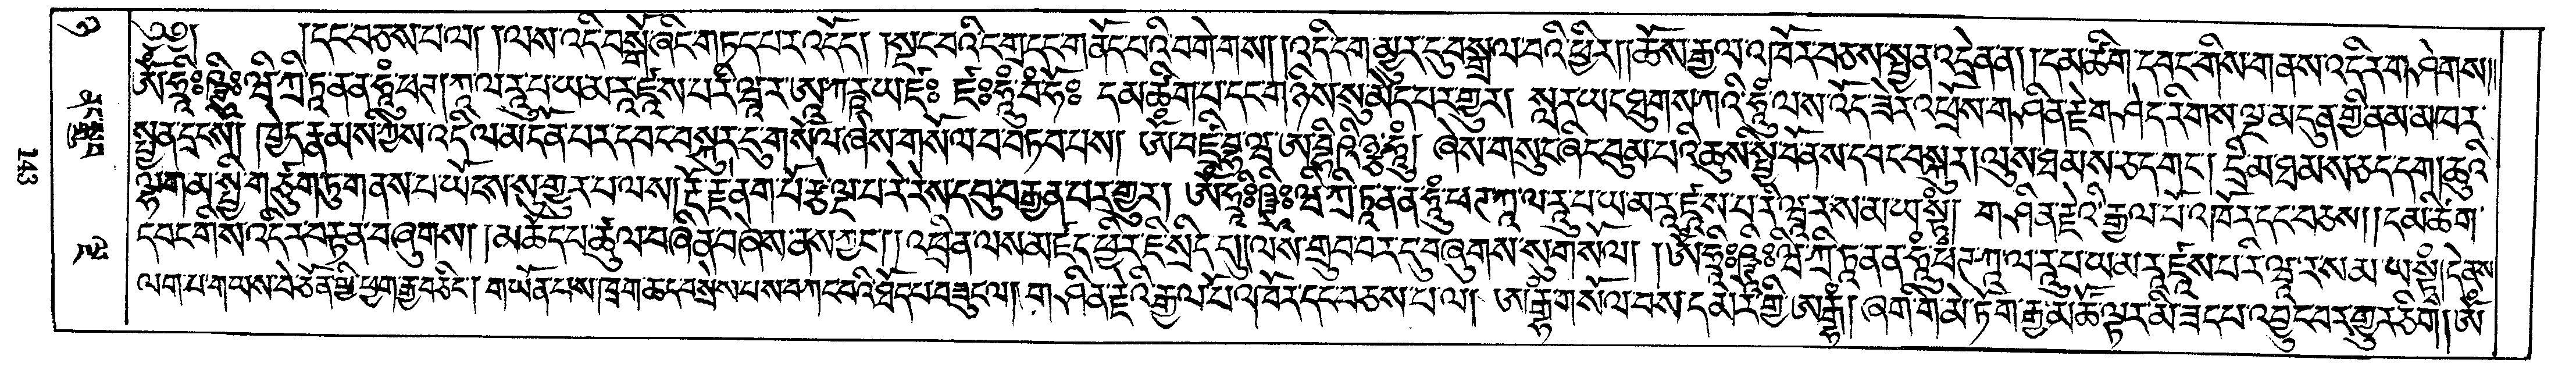༄༅། །དང་བཅས་པ་ལ། །ལས་འདི་བསྒོ་ཞིང་གཏད་པར་འདོད། །སྡང་བའི་དགྲ་དང་གནོད་པའི་བགེགས། །འདི་དག་མྱུར་དུ་བསྒྲལ་བའི་ཕྱིར། །ཆོས་རྒྱལ་འཁོར་བཅས་སྦྱན་འདྲེན་ན། །དམ་ཚིག་དབང་གིས་གནས་འདིར་གཤེགས།
ཨོཾ་ཧྲཱིཿཥྜཱིཿ ཝི་ཀྲི་ཏཱ་ན་ན་ཧཱུཾ་ཕཊ། ཀཱ་ལ་རཱུ་པ་ཡ་མ་རཱ་ཛཱ་ས་པ་རི་ཝཱ་ར་ཨཱ་ཀརྵ་ཡ་ཛཿ རྫཿ ཧཱུཾ་བཾ་ཧོཿ དམ་ཚིག་པ་དང་གཉིད་སུ་མེད་པར་གྱུར། སླར་ཡང་ཐུགས་ཀའི་ཧཱུཾ་ལས་འོད་ཟེར་འཕྲོས་གཤིན་རྗེ་གཤེད་རིགས་ལྔ་མདུན་གྱི་ནམ་མཁར་
སྤྱན་དྲངས། ཁྱེད་རྣམས་ཀྱིས་འདི་ལ་མངོན་པར་དབང་བསྐུར་དུ་གསོལ་ཞེས་གསོལ་བ་བཏབ་པས། ཨོཾ་བཛྲའི་བྷ་ཝ་ཨ་བྷི་ཥི་ཉྩ་ཧཱུཾ། ཞེས་གསུང་ཞིང་བུམ་པའི་ཆུས་སྤྱི་བོ་ནས་དབང་བསྐུར། ལུས་ཐམས་ཅད་གང་། དྲི་མ་ཐམས་ཅད་དག། ཆུའི་
ལྷག་མ་སྤྱི་གཙུག་ཏུ་གནས་པ་ཡོངས་སུ་གྱུར་བ་ལས། རྡོ་རྗེ་ནག་པོ་རྩེ་ལྔ་པ་རེ་རེད་དབུ་བརྒྱན་པར་གྱུར། ཨོཾ་ཧྲཱིཿ ཥྚིཿཝི་ཀྲི་ཏཱ་ན་ན་ཧཱུཾ་ཕཊ་ཀཱ་ལ་རཱུ་པ་ཡ་མ་རཱ་ཛཱ་ས་པ་རི་ཝཱ་ར་མས་མ་ཡ་སྟཾ། གཤིན་རྗེའི་རྒྱལ་པོ་འཁོར་དང་བཅས། །དམ་ཚིག་
དབང་གིས་འདིར་བརྟན་བཞུགས། །མཆོད་པ་ཚུལ་བཞིན་བཞེས་ནས་ཀྱང་། །འཕྲིན་ལས་མཛད་ཕྱིར་ཇི་སྲིད་དུ། །ལས་གྲུབ་པར་དུ་བཞུགས་སུ་གསོལ། །ཨོཾ་ཧྲཱིཿཥྚི་ཝི་ཀྲི་ཏཱ་ན་ན་ཧཱུཾ་ཕཊ་ཀཱ་ལ་རཱུ་པ་ཡ་མ་རཱ་ཛཱ་ས་པ་རི་ཝཱ་ར་ས་མ་ཡ་སྟྭཾ། དེ་ནས་
ལག་པ་གཡས་བེ་ཅོན་གྱི་ཕྱག་རྒྱ་བཅིང་། གཡོན་པས་ཁྲག་ཆང་བསྲེས་པས་བཀད་པའི་ཐོད་པ་བཟུང་ལ། གཤིན་རྗེའི་རྒྱལ་པོ་འཁོར་དང་བཅས་པ་ལ། ཨ་རྒྷཾ་གསོལ་བས་དམར་གྱི་ཨརྒྷཾ། ཞག་གི་མེ་ཏོག་རྒྱ་མཚོ་ལྟར་མི་ཟད་པ་འབྱུང་བར་གྱུར་ཅིག། ཨོཾ་